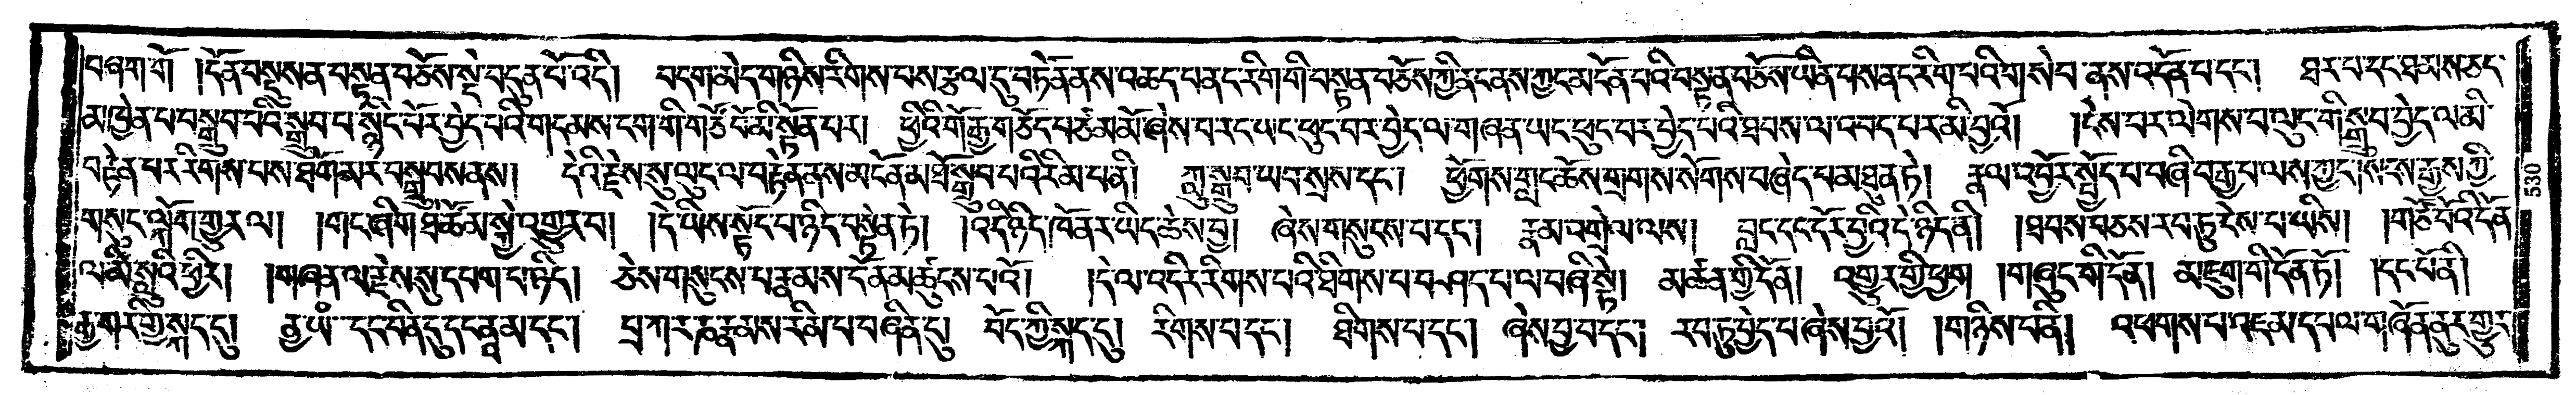བཞག་གོ །དོན་བསྡུས་ན་བསྟན་བཅོས་སྡེ་བདུན་པོ་འདི། བདག་མེད་གཉིས་རིགས་པས་རྩལ་དུ་བཏོན་ནས་འཆད་པ་ནང་རིག་གི་བསྟན་བཅོས་ཀྱི་ནང་ནས་ཀྱང་མངོན་པའི་བསྟན་བཅོས་ཡིན་པས་ནང་རིག་པའི་གསེབ་ནས་འདོན་པ་དང་། ཐར་པ་དང་ཐམས་ཅད་
མཁྱེན་པ་བསྒྲུབ་པའི་སྒྲུབ་པ་སྙིང་པོར་བྱེད་པའི་གདམས་དག་གི་གཙོ་བོ་མི་སྟོན་པར། ཕྱིའི་གོ་རྒྱ་གཅོད་པ་ཙམ་མོ་ཞེས་པ་རང་ཡང་ཕུང་བར་བྱེད་ལ་གཞན་ཡང་ཕུང་བར་བྱེད་པའི་ཐབས་ལ་འབད་པར་མི་བྱའོ། །ངེས་པར་ལེགས་པ་ལུང་གི་སྒྲུབ་བྱེད་ལ་མི་
བརྟེན་པར་རིགས་པས་ཐོག་མར་བསྒྲུབས་ནས། དེའི་རྗེས་སུ་ལུང་ལ་བརྟེན་ནས་མངོན་མཐོ་སྒྲུབ་པའི་རིམ་པ་ནི། ཀླུ་སྒྲུབ་ཡབ་སྲས་དང་། ཕྱོགས་གླང་ཆོས་གྲགས་སོགས་བཞེད་པ་མཐུན་ཏེ། རྣལ་འབྱོར་སྤྱོད་པ་བཞི་བརྒྱ་པ་ལས་ཀྱང་། སངས་རྒྱས་ཀྱི་
གསུང་ལྐོག་གྱུར་ལ། །གང་ཞིག་ཐེ་ཚོམ་སྐྱེ་འགྱུར་བ། །དེ་ཡིས་སྟོང་པ་ཉིད་བསྟེན་ཏེ། །འདི་ཉིད་ཁོ་ནར་ཡིད་ཆེས་བྱ། ཞེས་གསུངས་པ་དང་། རྣམ་འགྲེལ་ལས། བླང་དང་དོར་བྱའི་དེ་ཉིད་ནི། །ཐབས་བཅས་རབ་ཏུ་ངེས་པ་ཡིས། །གཙོ་བོའི་དོན་
ལ་མི་སླུའི་ཕྱིར། །གཞན་ལ་རྗེས་སུ་དཔག་པ་ཉིད། ཅེས་གསུངས་པ་རྣམས་དོན་མཚུངས་པའོ། །དེ་ལ་འདིར་རིགས་པའི་ཐིགས་པ་བཤད་པ་ལ་བཞི་སྟེ། མཚན་གྱི་དོན། འགྱུར་གྱི་ཕྱག །གཞུང་གི་དོན། མཇུག་གི་དོན་ཏོ། །དང་པོ་ནི།
རྒྱ་གར་གྱི་སྐད་དུ། ནྱ་ཡཾ་དང་བིན་དུ་དང་ནཱ་མ་དང་། པྲ་ཀ་ར་ཎ་རྣམས་རིམ་པ་བཞིན་དུ། བོད་ཀྱི་སྐད་དུ། རིགས་པ་དང་། ཐིགས་པ་དང་། ཞེས་བྱ་བ་དང་། རབ་ཏུ་བྱེད་པ་ཞེས་བྱའོ། །གཉིས་པ་ནི། འཕགས་པ་འཇམ་དཔལ་གཞོན་ནུར་གྱུར་